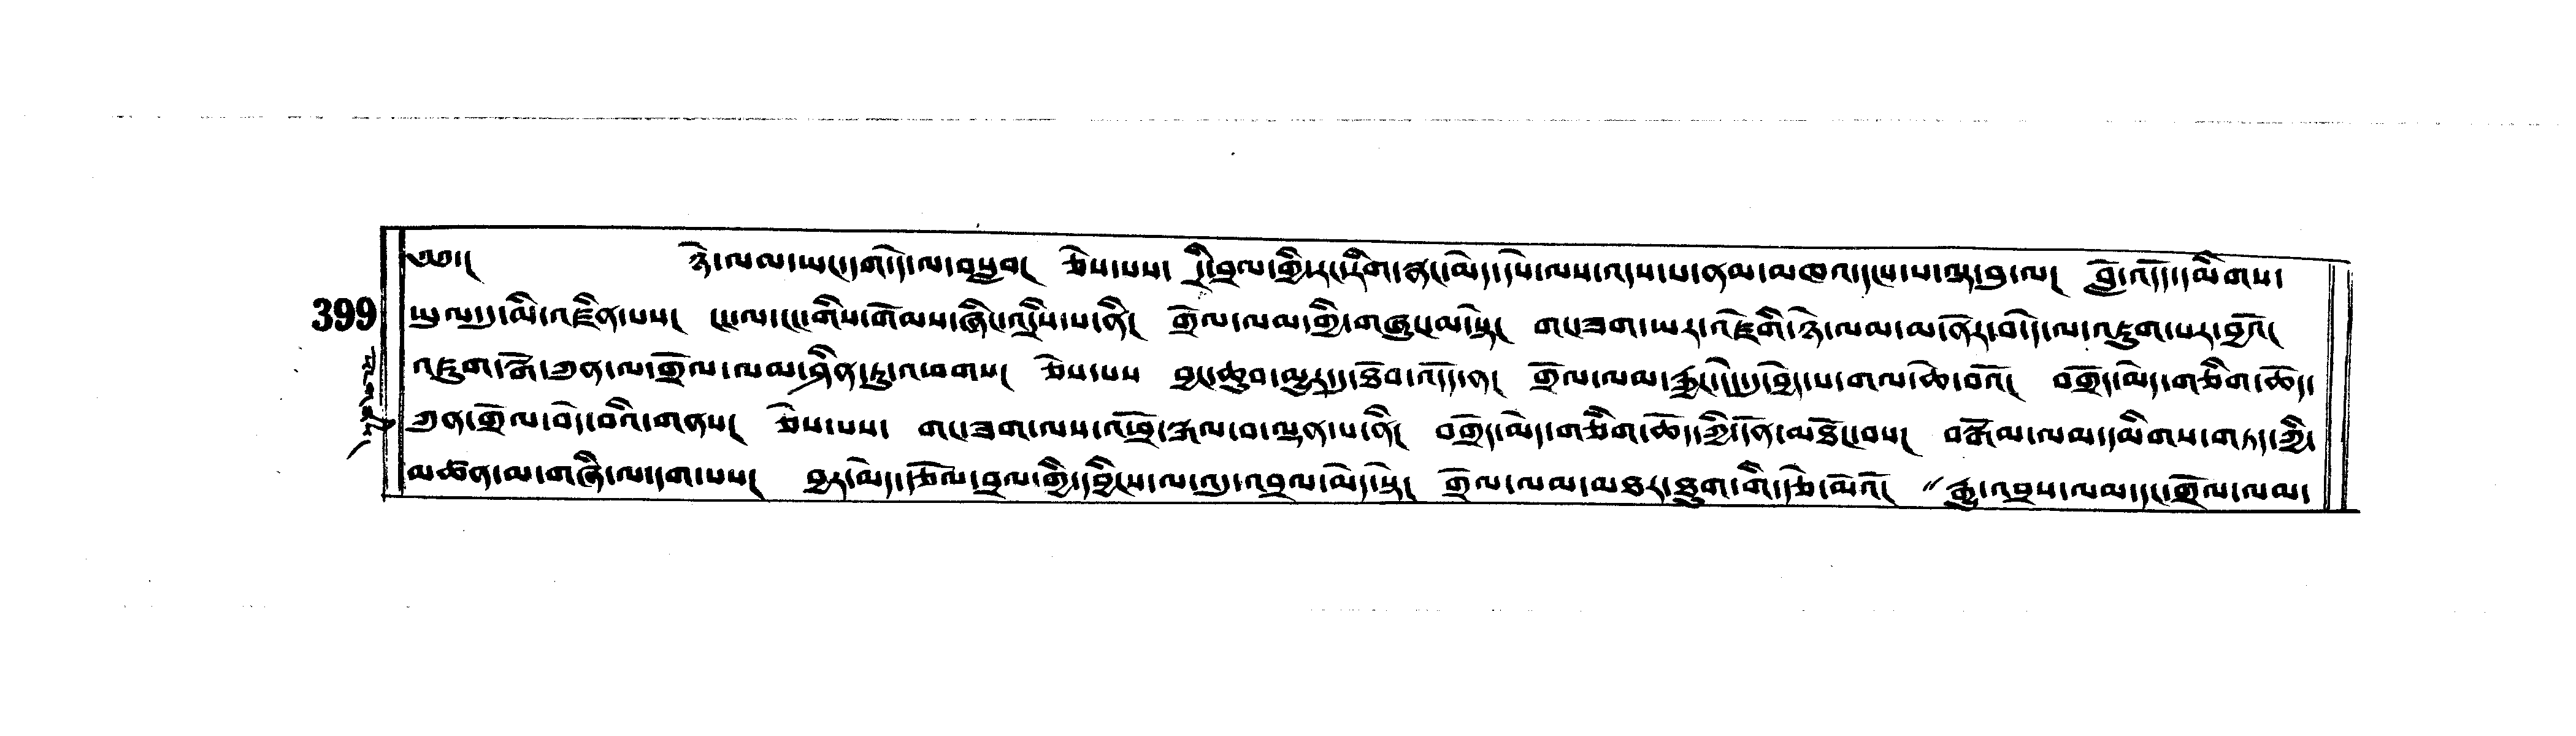ཉེ་ལམ་ཡང་དག་དོན་ལ་བསླབ། ཅེས་པས། དྲི་བྲལ་གྱི་རང་རིག་སྣང་མེད་དཔེ་ལས་འདས་པ་ནམ་མཁའ་དང་པ་ལྟ་བུ་ལ། བློ་འདོད་དམིགས་
ཡུལ་དུ་འཛིན་པས། ངང་ལ་ངང་གིས་གོམས་ཤིང་འདྲིས་པས་ནི། གྲོལ་ལམ་གྱི་གཞུང་མ་སྟེ། གང་ཟག་ཡར་འཇོག་གི་ཉེ་ལམ་མ་ནོར་བ་དེ་ལ་འཇུག་པར་བྱའོ། 
འཇུག་སྒོ་ཀུན་ལ་གྲོལ་ལམ་ཤིན་ཏུ་འཕགས། ཅེས་པས། བྱང་ཆུབ་མྱུར་དུ་ཐོབ་འདོད་ན། གྲོལ་ལམ་རྐྱང་དེད་དུ་བྱེད་པ་གལ་ཆེ་བའོ། བགྲོད་མེད་གཅིག་ཆོད་
ཀུན་གྲོལ་བདེ་བའི་གནས། ཅེས་པས། གང་ཟག་ལས་འཕྲོ་སྐལ་པ་ལྡན་པ་ནི། བགྲོད་མེད་གཅིག་ཆོད་ཀྱི་དོན་མཐོང་བས། སྒོམ་ལམ་དམིགས་གཏད་ཀྱི་
མཚན་མ་གཞི་ལ་དག་པས། བྱར་མེད་རྩོལ་བྲལ་གྱི་དབྱིངས་ལ་འདུ་འབྲལ་མེད་དེ། གྲོལ་ལམ་མཐར་ཐུག་གི་རྩེ་མོའོ། ༧ རྒྱུ་འབྲས་ལམ་དང་གྲོལ་ལམ་